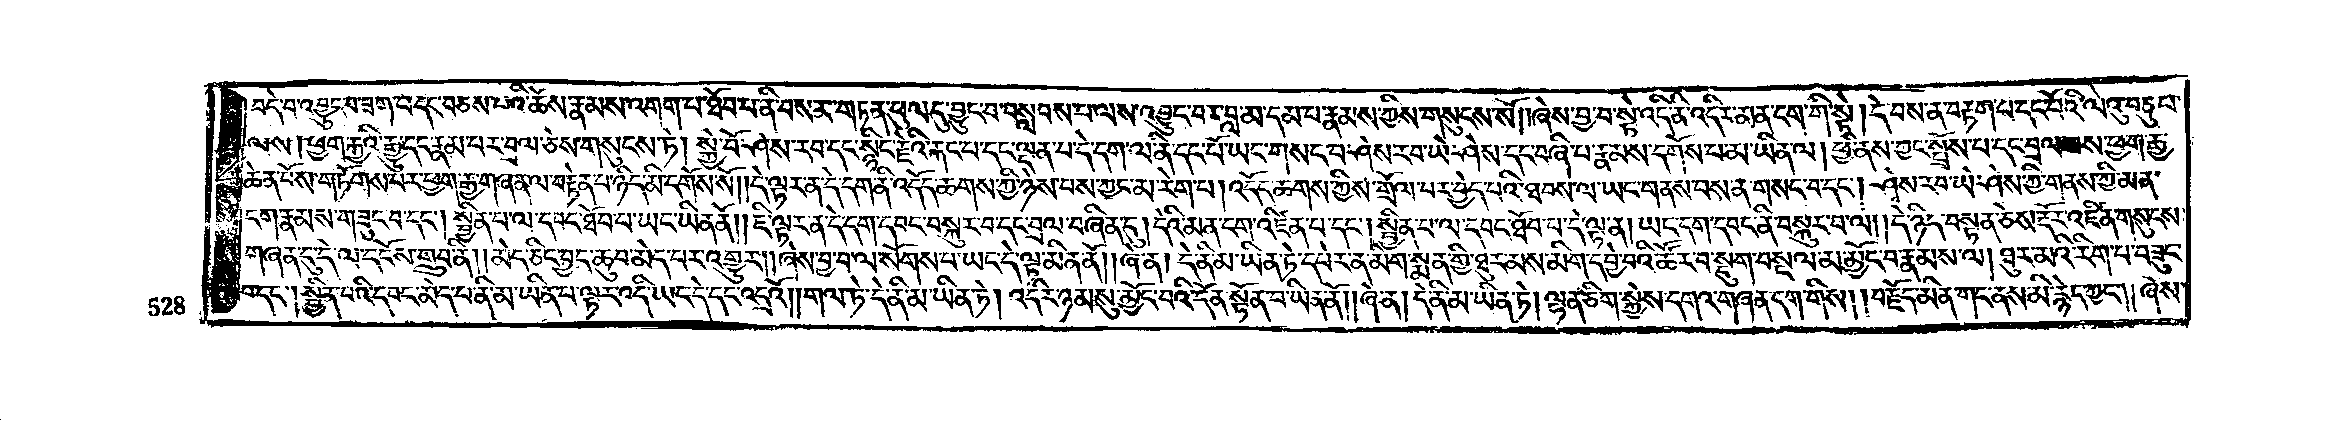བདེ་བ་འབྱུང་བ་ཟག་པ་དང་བཅས་པའི་ཆོས་རྣམས་འགག་པ་ཐོབ་པ་ནི་བསམ་གཏན་ཕུལ་དུ་བྱུང་བ་བསླབས་པ་ལས་འབྱུང་བར་བླ་མ་དམ་པ་རྣམས་ཀྱིས་གསུངས་སོ། །ཞེས་བྱ་བ་སྟེ་འདི་ནི་འདིར་མན་ངག་གི་སྟེ། དེ་བས་ན་བརྟག་པ་དང་པོའི་ལེའུ་བཅུ་པ་
ལས། ཕྱག་རྒྱའི་རྒྱུ་དང་རྣམ་པར་བྲལ་ཅེས་གསུངས་ཏེ། སྐྱེ་བོ་ཤེས་རབ་དང་སྙིང་རྗེའི་རྐང་པ་དང་ལྡན་པ་དེ་དག་ལ་ནི་དང་པོ་ཡང་གསང་བ་ཤེས་རབ་ཡེ་ཤེས་དང་བཞི་པ་རྣམས་དགོས་པ་མ་ཡིན་ལ། ཕྱི་ནས་ཀྱང་སྤྲོས་པ་དང་བྲལ་བས་ཕྱག་རྒྱ་
ཆེན་པོས་གཏོགས་པར་ཕྱག་རྒྱ་གཞན་ལ་བརྟེན་པ་ཉིད་མི་དགོས་སོ། །དེ་ལྟར་ན་དེ་དག་ནི་འདོད་ཆགས་ཀྱི་ཉེས་པས་ཀྱང་མ་རེག་པ། འདོད་ཆགས་ཀྱིས་གྲོལ་པར་བྱེད་པའི་ཐབས་ལ་ཡང་གནས་པས་ན་གསང་བ་དང་། ཤེས་རབ་ཡེ་ཤེས་ཀྱི་གནས་ཀྱི་མན་
ངག་རྣམས་གཟུང་བ་དང་། སྦྱིན་པ་ལ་དབང་ཐོབ་པ་ཡང་ཡིན་ནོ། །ཇི་ལྟར་ན་དེ་དག་དབང་བསྐུར་བ་དང་བྲལ་བཞིན་དུ། དེའི་མན་ངག་འཛིན་པ་དང་། སྦྱིན་པ་ལ་དབང་ཐོབ་པ་དེ་ལྟ་ན། ཡང་དག་དབང་ནི་བསྐུར་བ་ལ། །དེ་ཉིད་བསྟན་ཅེས་རྡོར་འཛིན་གསུངས་གཞན་དུ་དེ་ལ་དངོས་གྲུབ་ནི། །མེད་ཅིང་བྱང་ཆུབ་མེད་པར་འགྱུར། །ཞེས་བྱ་བ་ལ་སོགས་པ་ཡང་དེ་ལྟ་མིན་ནོ། །ཞེ་ན། དེ་ནི་མ་ཡིན་ཏེ་དཔེར་ན་མིག་སྨན་གྱི་ཐུར་མས་མིག་དབྱེ་བའི་ཚོར་བ་སྡུག་བསྔལ་མ་མྱོང་བ་རྣམས་ལ། ཐུར་མའི་རིག་པ་བཟུང་
བ་དང་། སྦྱིན་པའི་དབང་མེད་པ་ནི་མ་ཡིན་པ་ལྟར་འདི་ཡང་དེ་དང་འདྲའོ། །གལ་ཏེ་དེ་ནི་མ་ཡིན་ཏེ། འདིར་ཉམས་སུ་མྱོང་བའི་དོན་སྟོན་པ་ཡིན་ནོ། །ཞེ་ན། དེ་ནི་མ་ཡིན་ཏེ། ལྷན་ཅིག་སྐྱེས་དགའ་གཞན་དག་གིས། །བརྗོད་མིན་གང་ནས་མི་རྙེད་ཀྱང་། །ཞེས་